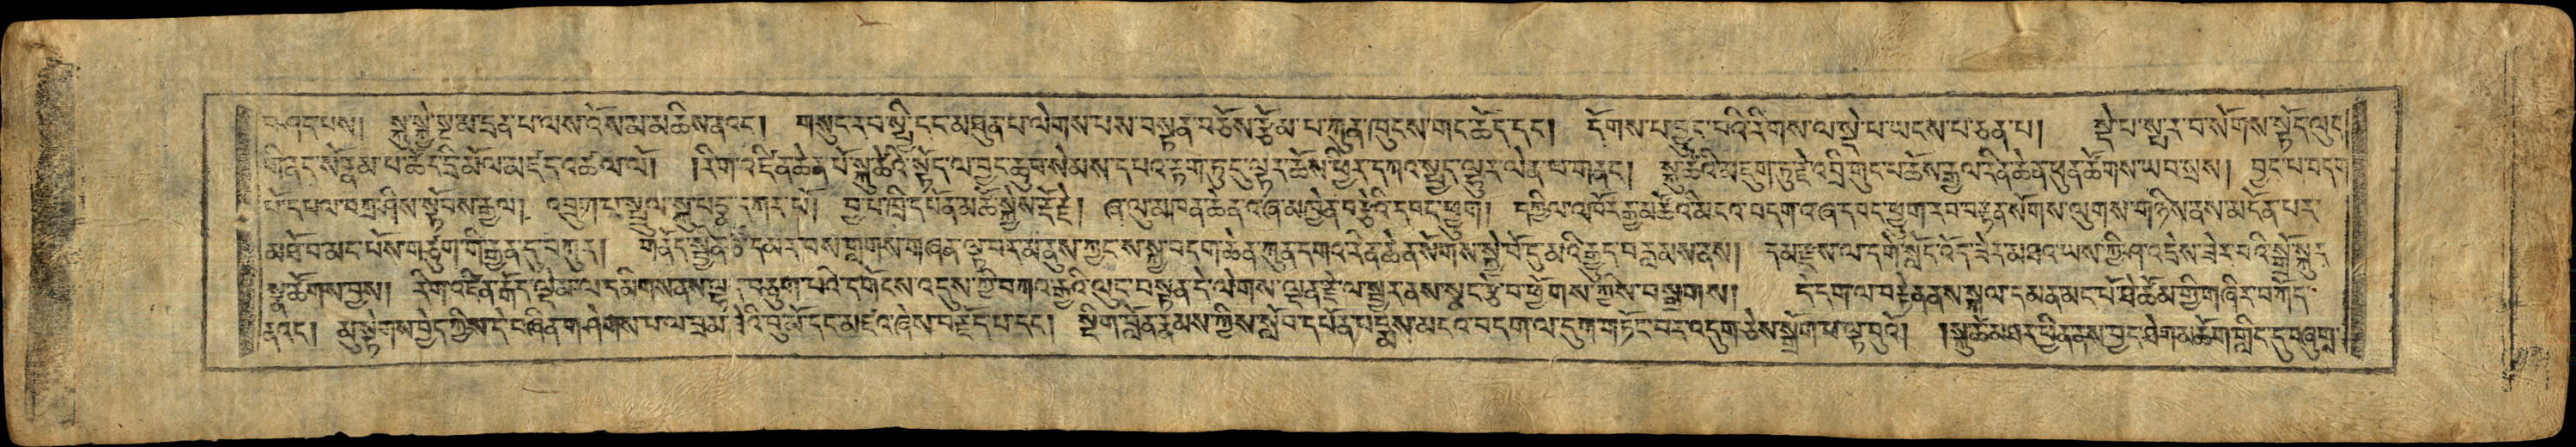བཤད་པས། སྐུ་སྐྱ་སྔ་མ་དྲན་པ་ལས་འོས་མ་མཆིས་ནའང་། གསུང་རབ་སྤྱི་དང་མཐུན་པ་ལེགས་པས་བསྟན་བཅོས་རྩོམ་པ་ཀུན་ཁུངས་གང་ཆོད་དང་། དོགས་པ་བྱུང་བའི་རིགས་ལ་སྡེ་བ་ཡངས་པ་ཅན་པ། སྡེ་བ་སྤར་བ་སོགས་སྟོད་ལུང་
གི་ནང་སོ་རྣམ་པ་ཚོར་དྲི་མོལ་མཛད་འཚལ་ལོ། །རིག་འཛིན་ཆེན་པོ་སྐུ་ཚེའི་སྟོད་ལ་བྱང་ཆུབ་སེམས་དཔའ་རྟག་ཏུ་ངུ་ལྟར་ཆོས་ཕྱིར་དགའ་སྤྱད་ལྷུར་ལེན་པ་གང་། སྐུ་ཚེའི་མཇུག་ཏུ་རྗེ་འབྲི་གུང་བ་ཆོས་རྒྱལ་རིན་ཆེན་ཕུན་ཚོགས་ཡབ་སྲས། བྱང་བ་བདག་
པོ་དཔལ་བཀྲ་ཤིས་སྟོབས་རྒྱལ། འབྲུག་པ་སྤྲུལ་སྐུ་པདམ་དཀར་བོ། བྱ་པ་ཁྲི་དཔོན་མཚོ་སྐྱེས་རྡོ་རྗེ། ཞ་ལུ་མཁན་ཆེན་འྮ་མཁྱེན་བརྩེའི་དབང་ཕྱུག། དཀྱིལ་འཁོར་རྒྱ་མཚོའི་མངའ་བདག་འ་ཞ་དབང་ཕྱུག་རབ་བརྟན་སོགས་ལུགས་གཉིས་ནས་མངོན་པར་
མཐོ་བ་མང་པོས་གཙུག་གི་རྒྱན་དུ་བཀུར། གནོད་སྦྱིན་ཙི་དམར་བས་གླགས་གཞན་ལྟ་བར་མ་ནུས་ཀྱང་ས་སྐྱ་བདག་ཆེན་ཀུན་དགའ་རིན་ཆེན་སོགས་སྐྱེ་བོ་དུ་མའི་རྒྱུད་བརླམས་ནས། དམ་རྫས་ལ་དགེ་སློང་འོད་ཟེར་མཐའ་ཡས་ཀྱི་ཤ་འདྲེས་ཟེར་བའི་སྒྲོ་སྐུར་
སྣ་ཚོགས་བྱས། རིག་འཛིན་རྒོད་ལྡེམ་ལ་དམིགས་ནས་ལྷད་བཅུག་པའི་དགེ་དགོངས་འདུས་ཀྱི་བཀའ་རྒྱའི་ལུང་བསྟན་དེ་ལེགས་ལྡན་རྗེ་ལ་སྦྱར་ནས་སྣང་རྩེ་བ་ཕྱོགས་ཀྱིས་བསྒྲགས། དེ་དག་ལ་བརྟེན་ནས་སྐལ་དམན་མང་པོ་ཐེ་ཚོམ་གྱི་གཞིར་བཀོར་
པའང་། མུ་སྟེགས་བྱེད་ཀྱིས་དེ་བཞིན་གཤེགས་པ་ལ་བྲམ་ཟེའི་བུ་མོ་དང་མཛའ་ཞེས་པ་རྗོད་པ་དང་། སྡིག་བློན་རྣམས་ཀྱིས་སློབ་དཔོན་པདམས་མངའ་བདག་ལ་དུག་གཏོང་བར་འདུག་ཅེས་སྒྲོག་པ་ལྟ་བུའོ། །སྐུ་ཚེ་མཐར་ཕྱིན་ནས་བྱང་ཐེག་མཆོག་གླིང་དུ་བཞུགས་